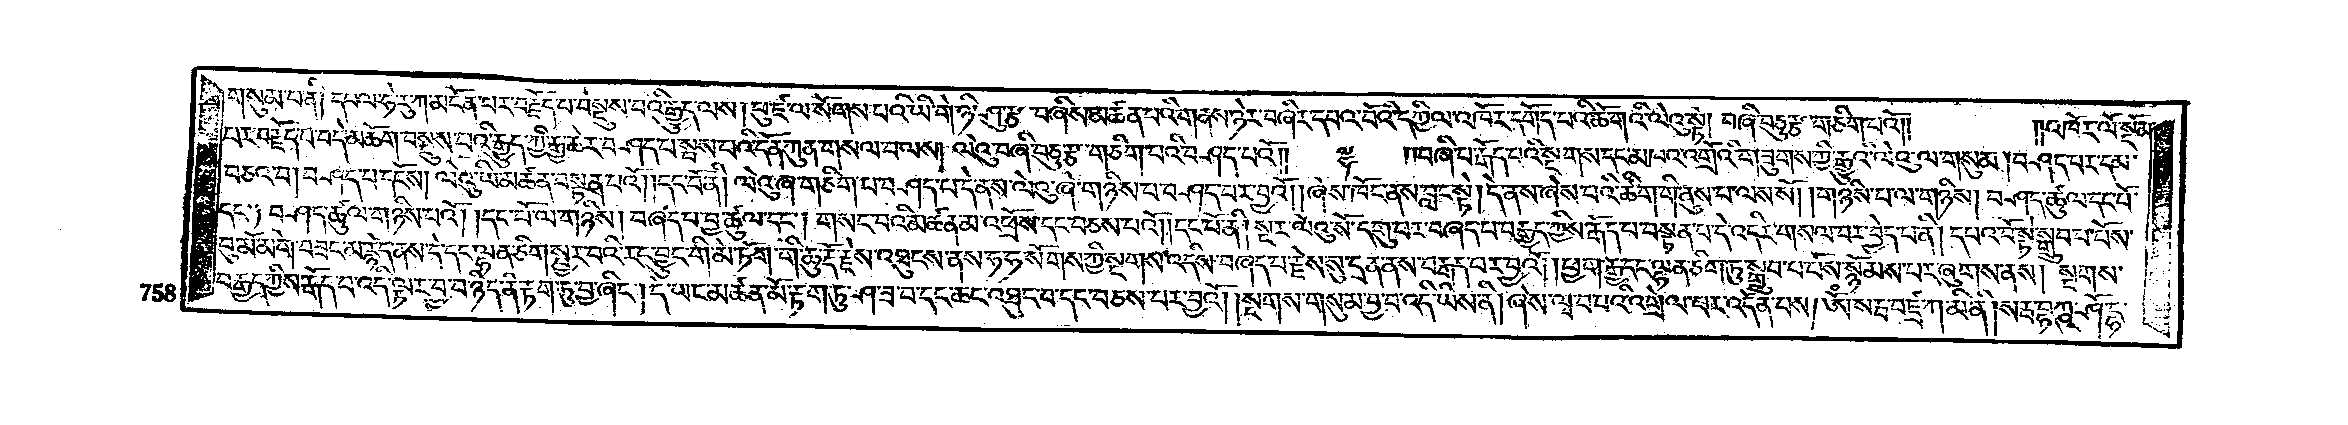གསུམ་པ་ནི། དཔལ་ཧེ་རུ་ཀ་མངོན་པར་བརྗོད་པ་བསྡུས་པའི་རྒྱུད་ལས། པུ་ཛ་ལ་སོགས་པའི་ཡི་གེ་ཉི་ཤུ་རྩ་བཞིས་མཚན་པའི་གནས་ཉེར་བཞིར་དཔའ་བོའི་དཀྱིལ་འཁོར་དགོད་པའི་ཆོ་གའི་ལེའུ་སྟེ། བཞི་བཅུ་རྩ་གཅིག་པའོ།། །།འཁོར་ལོ་སྡོམ་
པར་བརྗོད་པ་བདེ་མཆོག་བསྡུས་པའི་རྒྱུད་ཀྱི་རྒྱ་ཆེར་བཤད་པ་སྦས་པའི་དོན་ཀུན་གསལ་བ་ལས། ལེའུ་བཞི་བཅུ་རྩ་གཅིག་པའི་བཤད་པའོ།། ༈ །།བཞི་པ་རྒོད་པའི་སྔགས་དང་མཁའ་འགྲོའི་གཟུགས་ཀྱི་རྒྱུའི་ལེའུ་ལ་གསུམ། བཤད་པར་དམ་
བཅའ་བ། བཤད་པ་དངོས། ལེའུ་ཡི་མཚན་བསྟན་པའོ། །དང་པོ་ནི། ལེའུ་ཞ་གཅིག་པ་བཤད་པ་དེ་ནས་ལེའུ་ཞེ་གཉིས་པ་བཤད་པར་བྱའོ། །ཞེས་ཁོང་ནས་བླང་སྟེ། དེ་ནས་ཞེས་པའི་ཚིག་གི་ནུས་པ་ལས་སོ། །གཉིས་པ་ལ་གཉིས། བཤད་ཚུལ་དང་པོ་
དང་། བཤད་ཚུལ་གཉིས་པའོ། །དང་པོ་ལ་གཉིས། བཞད་པ་བྱ་ཚུལ་དང་། གསང་བའི་མཚན་མ་འཕྲོས་དང་བཅས་པའོ། །དང་པོ་ནི། སྔར་ལེའུ་སོ་དགུ་པར་བཞད་པ་བརྒྱད་ཀྱིས་རྒོད་པ་བསྟན་པ་དེ་འདིར་གསལ་བར་བྱེད་པ་ནི། དཔའ་བོ་སྟེ་སྒྲུབ་པ་པོས་
བུ་མོ་མགོ་བཟང་མ་རྙེད་ནས་དེ་དང་ལྷན་ཅིག་སྦྱར་བའི་རང་བྱུང་གི་མེ་ཏོག་གི་ཆུ་རྡོ་རྗེས་འཐུངས་ནས་ཧ་ཧ་སོགས་ཀྱི་སྔགས་འདིས་བཞད་པ་རྗེས་སུ་དྲན་ནས་བརྒད་པར་བྱའོ། །ཕྱག་རྒྱ་དང་ལྷན་ཅིག་ཏུ་སྒྲུབ་པ་པོས་སྙོམས་པར་ཞུགས་ནས། སྔགས་
བརྒྱད་ཀྱིས་རྒོད་པ་འདི་ལྟར་བྱ་བ་ཉིད་ནི་རྟག་ཏུ་བྱ་ཞིང་། དེ་ཡང་མཚན་མོ་རྟག་ཏུ་ཤ་ཟ་བ་དང་ཆང་འཐུང་བ་དང་བཅས་པར་བྱའོ། །སྔགས་གསུམ་བྱ་བ་འདི་ཡིས་ནི། ཞེས་ལྭ་བ་པའི་འགྲེལ་པར་འདོན་པས། ཨོཾ་སརྦ་བཛྲ་ཀ་མི་ནི། སརྦ་བྷ་ཀྵ་ཤོ་དྷ་